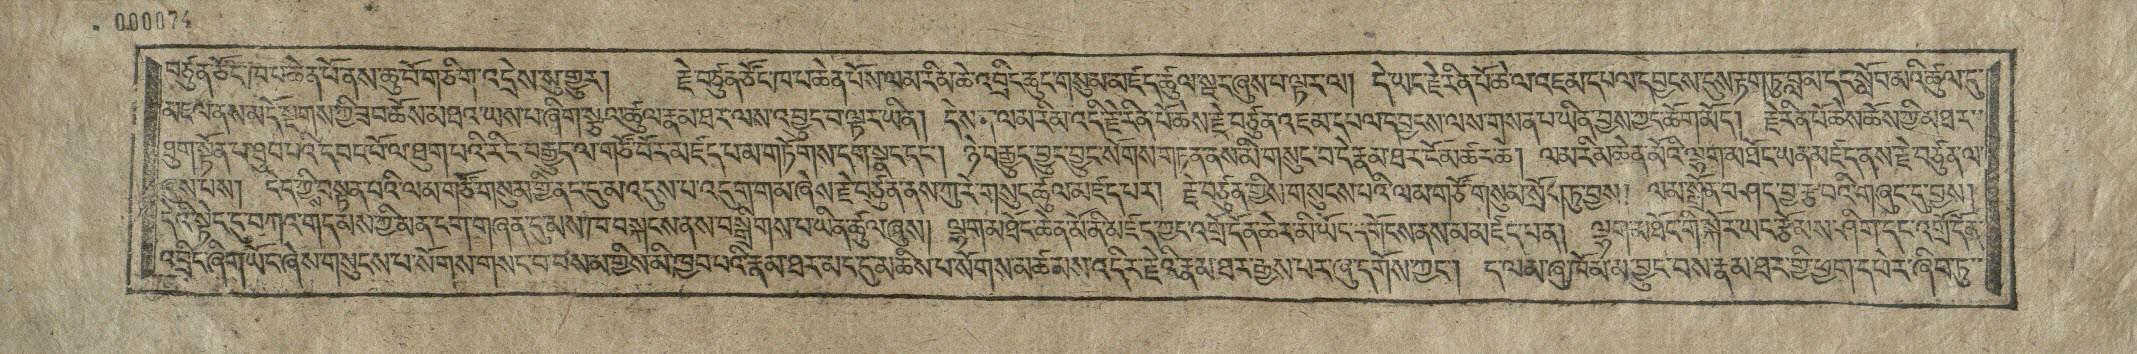བཙུན་ཙོང་ཁ་པ་ཆེན་པོ་ནས་ཆུ་བོ་གཅིག་འདྲེས་སུ་གྱུར། རྗེ་བཙུན་ཙོང་ཁ་པ་ཆེན་པོས་ལམ་རིམ་ཆེ་འབྲིང་ཆུང་གསུམ་མཛད་ཚུལ་སྔར་ཞུས་པ་ལྟར་ལ། དེ་ཡང་རྗེ་རིན་པོ་ཆེ་ལ་འཇམ་དཔལ་དབྱངས་དུས་རྟག་ཏུ་བླ་མ་དང་སློབ་མའི་ཚུལ་དུ་
མཇལ་ནས་མདོ་སྔགས་ཀྱི་ཟབ་ཆོས་མཐའ་ཡས་པ་ཞིག་སྩལ་ཚུལ་རྣམ་ཐར་ལས་འབྱུང་བ་ལྟར་ཡིན། དེས་ན་ལམ་རིམ་འདི་རྗེ་རིན་པོ་ཆེས་རྗེ་བཙུན་འཇམ་དཔལ་དབྱངས་ལས་གསན་པ་ཡིན་བྱས་ཀྱང་ཆོག་མོད། རྗེ་རིན་པོ་ཆེས་ཆོས་ཀྱི་མཐར་
ཐུག་སྟོན་པ་ཐུབ་པའི་དབང་པོ་ལ་ཐུག་པའི་རིང་བརྒྱུད་ལ་གཙོ་བོར་མཛད་པ་མ་གཏོགས་དག་སྣང་དང་། ཉེ་བརྒྱུད་བྱུང་བྱུང་སོགས་གཏན་ནས་མི་གསུང་བ་དེ་རྣམ་ཐར་ངོ་མ་ཚར་ཆེ། ལམ་རིམ་ཆེན་མོའི་ལྷག་མཐོང་ཡན་མཛད་ནས་རྗེ་བཙུན་ལ་
ཞུས་པས། ངེད་?་ཀྱིས་བསྟན་པའི་ལམ་གཙོ་གསུམ་གྱི་ནང་དུ་མ་འདུས་པ་འདུག་གམ་ཞེས་རྗེ་བཙུན་ནས་ཀུ་རེ་གསུང་ཚུལ་མཛད་པར། རྗེ་བཙུན་གྱིས་གསུངས་པའི་ལམ་གཙོ་གསུམ་སྲོག་ཏུ་བྱས། ལམ་སྒྲོན་བཤད་བྱ་ཙ་བའི་གཞུང་དུ་བྱས།
དེའི་སྟེང་དུ་བཀའ་གདམས་ཀྱི་མན་ངག་གཞན་དུ་མས་ཁ་བསྐངས་ནས་བསྒྲིགས་པ་ཡིན་ཚུལ་ཞུས། ལྷག་མཐོང་ཆེན་མོ་ནི་མཛད་ཀྱང་འགྲོ་དོན་ཆེར་མི་ཡོང་དགོངས་ནས་མ་མཛད་པ་ན། ལྷག་མཐོང་གི་སྐོར་ཡང་རྩོམས་ཤིག་དང་འགྲོ་དོན་
འབྲིང་ཞིག་ཡོང་ཞེས་གསུངས་པ་སོགས་གསང་བ་བསམ་གྱིས་མི་ཁྱབ་པའི་རྣམ་ཐར་མང་དུ་མ་ཆིས་པ་སོགས་མཚམས་འདིར་རྗེའི་རྣམ་ཐར་རྒྱས་པར་ཞུ་དགོས་ཀྱང་། ད་ལམ་ཞུ་ཁོམ་མ་བྱུང་བས་རྣམ་ཐར་གྱི་ཕྱག་དཔེར་ཞིབ་ཏུ་